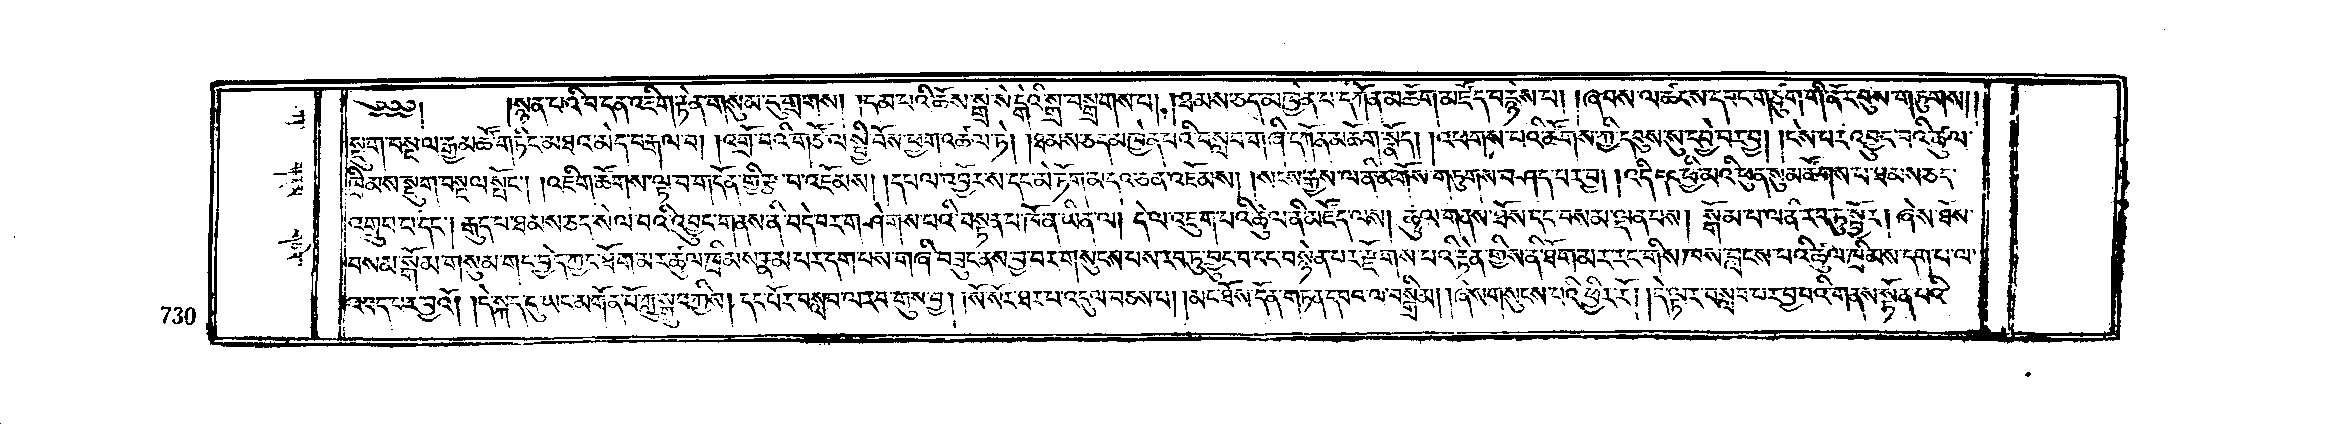༄༅། །སྙན་པའི་བ་དན་འཇིག་རྟེན་གསུམ་དུ་གྲགས། །དམ་པའི་ཆོས་སྒྲ་སེངྒེའི་སྒྲ་བསྒྲགས་པ། །ཐམས་ཅད་མཁྱེན་པ་དཀོན་མཆོག་མཛོད་བརྙེས་པ། །ཞབས་ལ་ཚངས་དབང་གཙུག་གི་ནོར་བུས་གཏུགས། །
སྡུག་བསྔལ་རྒྱ་མཚོ་གཏིང་མཐའ་མེད་བརྒལ་བ། །འགྲོ་བའི་གཙོ་ལ་སྤྱི་བོས་ཕྱག་འཚལ་ཏེ། །ཐམས་ཅད་མཁྱེན་པའི་བསླབ་གཞི་དཀོན་མཆོག་སྣོད། །འཕགས་པའི་ཚོགས་ཀྱི་དབུས་སུ་དབྱེ་བར་བྱ། །ངེས་པར་འབྱུང་བའི་ཚུལ་
ཁྲིམས་སྡུག་བསྔལ་སྤོང་། །འཇིག་ཚོགས་ལྟ་བ་གདོན་གྱི་རྩ་བ་འཇོམས། །དཔལ་འབྱོར་ས་དང་མེ་ཏོག་མདའ་ཅན་འཇོམས། །སངས་རྒྱས་ལ་ནི་མ་གོས་གཏུགས་བཤད་པར་བྱ། །འདི་དང་ཕྱི་མའི་ཕུན་སུམ་ཚོགས་པ་ཐམས་ཅད་
འགྲུབ་པ་དང་། རྒུད་པ་ཐམས་ཅད་སེལ་བའི་འབྱུང་གནས་ནི་བདེ་བར་གཤེགས་པའི་བསྟན་པ་ཁོ་ན་ཡིན་ལ། དེ་ལ་འཇུག་པའི་ཚུལ་ནི་མཛོད་ལས། ཚུལ་གནས་ཐོས་དང་བསམ་ལྡན་པས། སྒོམ་པ་ལ་ནི་རབ་ཏུ་སྦྱོར། ཞེས་ཐོས་
བསམ་སྒོམ་གསུམ་གང་བྱེད་ཀྱང་ཐོག་མར་ཚུལ་ཁྲིམས་རྣམ་པར་དག་པས་གཞི་བཟུང་ནས་བྱ་བར་གསུངས་པས་རབ་ཏུ་བྱུང་བ་དང་བསྙེན་པར་རྫོགས་པའི་རྟེན་གྱིས་ནི་ཐོག་མར་རང་གིས་ཁས་བླངས་པའི་ཚུལ་ཁྲིམས་དག་པ་ལ་
འབད་པར་བྱའོ། །དེ་སྐད་དུ་ཡང་མགོན་པོ་ཀླུ་སྒྲུབ་ཀྱིས། དང་པོར་བསླབ་ལ་རབ་གུས་བྱ། །སོ་སོར་ཐར་པ་འདུལ་བཅས་པ། །མང་ཐོས་དོན་གཏན་དབབ་ལ་བསྒྲིམ། །ཞེས་གསུངས་པའི་ཕྱིར་རོ། །དེ་ལྟར་བསླབ་པར་བྱ་བའི་གནས་སྟོན་པའི་